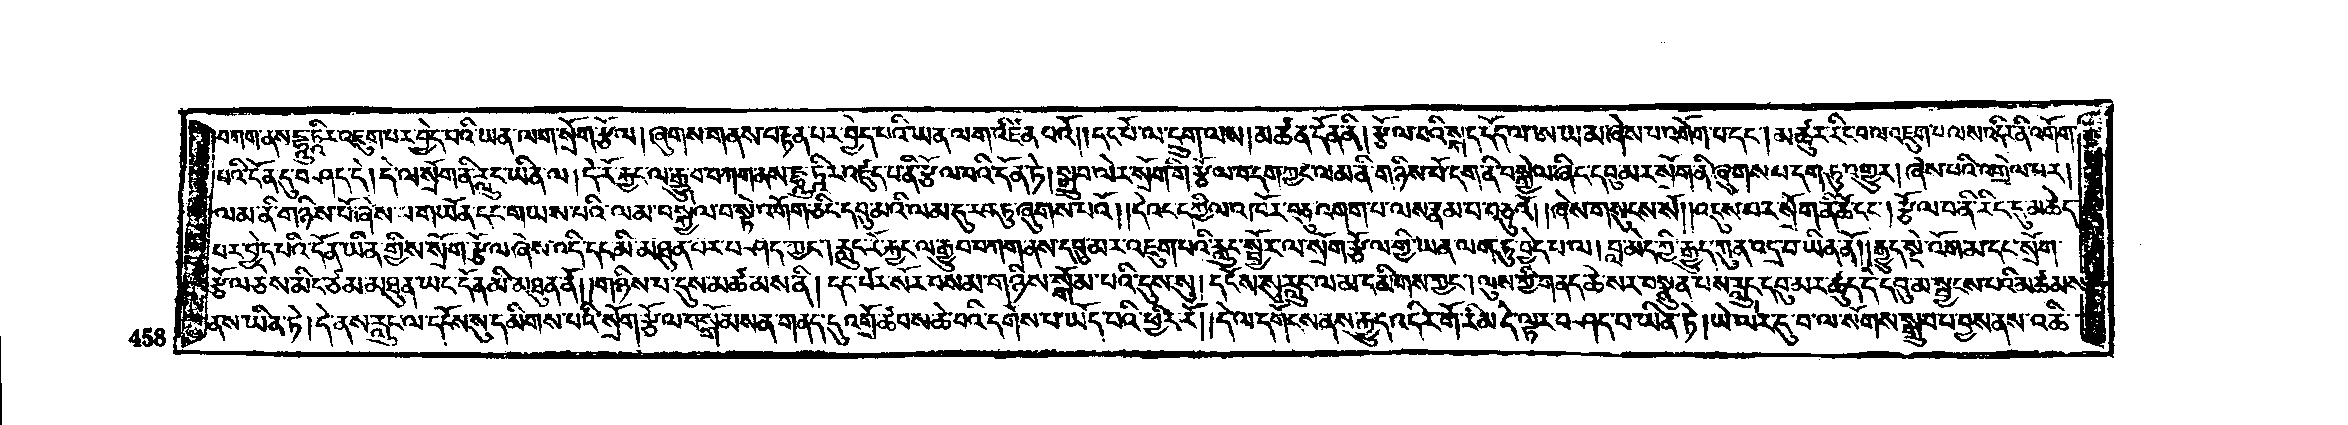བཀག་ནས་དྷཱུ་ཏཱིར་འཇུག་པར་བྱེད་པའི་ཡན་ལག་སྲོག་རྩོལ། ཞུགས་གནས་བརྟན་པར་བྱེད་པའི་ཡན་ལག་འཛིན་པའོ། །དང་པོ་ལ་དྲུག་ལས། མཚན་དོན་ནི། རྩོལ་བའི་སྐད་དོད་ལ་ཨ་ཡ་མ་ཞེས་པ་འགོག་པ་དང་། མཚུར་རིང་བ་ལ་འཇུག་པ་ལས་འདིར་ནི་འགོག་
པའི་དོན་དུ་བཤད་དེ། དེ་ལ་སྲོག་ནི་རླུང་ཡིན་ལ། དེ་རོ་རྐྱང་ལ་རྒྱུ་བ་བཀག་ནས་དྷཱུ་ཏཱིར་འཛུད་པ་ནི་རྩོལ་བའི་དོན་ཏེ། སྒྲུབ་ལེར་སྲོག་གི་རྩོལ་བ་དག་ཀྱང་ལམ་ནི་གཉིས་པོ་དག་ནི་བསྐྱེལ་ཞིང་དབུ་མར་སྲོག་ནི་ཞུགས་པ་དག་ཏུ་འགྱུར། ཞེས་པའི་འགྲེལ་པར།
ལམ་ནི་གཉིས་པོ་ཞེས་པ་གཡོན་དང་གཡས་པའི་ལམ་བསྐྱེལ་བ་སྟེ་འགོག་ཅིང་དབུ་མའི་ལམ་དུ་རབ་ཏུ་ཞུགས་པའོ། །དེའང་དཀྱིལ་འཁོར་བཅུ་འགག་པ་ལས་རྣམ་པ་བཅུའོ། །ཞེས་གསུངས་སོ། །འདུས་པར་སྲོག་ནི་ཚེ་དང་། རྩོལ་བ་ནི་རིང་དུ་མཆེད་
པར་བྱེད་པའི་དོན་ཡིན་གྱིས་སྲོག་རྩོལ་ཞེས་འདི་དང་མི་མཐུན་པར་བཤད་ཀྱང་། རླུང་རོ་རྐྱང་ལ་རྒྱུ་པ་བཀག་ནས་དབུ་མར་འཇུག་པའི་རླུང་སྦྱོར་ལ་སྲོག་རྩོལ་གྱི་ཡན་ལག་ཏུ་བྱེད་པ་ལ། བླ་མེད་ཀྱི་རྒྱུད་ཀུན་འདྲ་བ་ཡིན་ནོ། །རྒྱུད་སྡེ་འོག་མ་དང་སྲོག་
རྩོལ་ཅེས་མིང་ཙམ་མཐུན་ཡང་དོན་མི་མཐུན་ནོ། །གཉིས་པ་དུས་མཚམས་ནི། དང་པོར་སོར་བསམ་གཉིས་སྒོམ་པའི་དུས་སུ། དངོས་སུ་རླུང་ལ་མ་དམིགས་ཀྱང་། ལུས་ཀྱི་གནད་ཆེ་སར་བསྣུན་པས་རླུང་དབུ་མར་ཚུད་དེ་དབུ་མ་སྦྱངས་པའི་མཚམས་
ནས་ཡིན་ཏེ། དེ་ནས་རླུང་ལ་དངོས་སུ་དམིགས་པའི་སྲོག་རྩོལ་བསྒོམས་ན་གནད་དུ་འགྲོ་ཚབས་ཆེ་བའི་དགོས་པ་ཡོད་པའི་ཕྱིར་རོ། །དེ་ལ་དགོངས་ནས་རྒྱུད་འདིར་གོ་རིམ་དེ་ལྟར་བཤད་པ་ཡིན་ཏེ། ཡེ་ལེར་དུ་བ་ལ་སོགས་སྒྲུབ་པ་བྱས་ནས་འཆི་